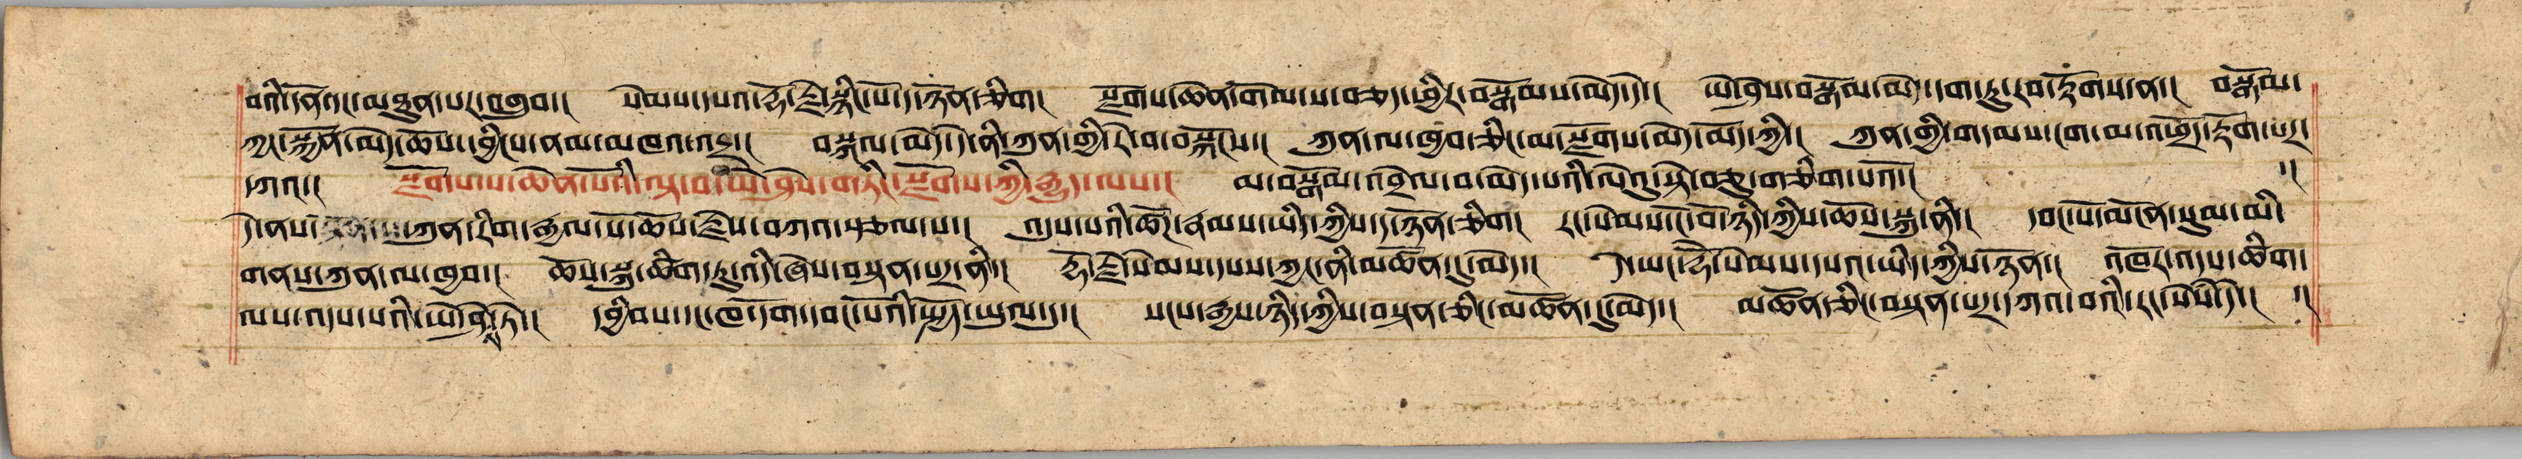བའི་དོན་དང་མཐུན་པར་འགྲུབ་། སེམས་དཔའ་རྡོ་རྗེ་སྙིང་པོ་ད་ཉོན་ཅིག། སྫོགས་ཆེན་གོལ་ས་བཅད་ཕྱིར་བསྒོམས་མེད་དེ་། ཡེ་ཤེས་བསྒོམ་མེད་དག་ཏུ་རབ་རྟོགས་ན་། བསྒོམ་
ཀྱང་སྐྱོན་མེད་ཆོས་དབྱིངས་ནམ་མཁའ་འདྲ་། བསྐལ་མེད་དེ་ནི་ཀུན་གྱི་རེ་བ་བསྐོངས་། ཀུན་ལ་ཁྱབ་ཅིང་མ་སྫོགས་མེད་མོད་ཀྱི་། ཀུན་གྱི་གདམས་ངག་མ་འཕྲོད་རྟོག་པར་
དཀའ་། སྫོགས་པ་ཆེན་པོའི་ལྟ་བ་ཡེ་ཤེས་གཏིང་སྫོགས་ཀྱི་རྒྱུད་ལས་། མ་བསྒོམ་འབྲེལ་བ་མེད་པའི་ལེའུ་སྟེ་བཅུ་གཅིག་པའོ་།
དེ་ནས་ ཀུན་རིག་རྒྱལ་པོ་ཆོས་རྗེས་བཀའ་སྩལ་པ་། འདུས་པའི་ཚོཌ་རྣམས་ཡིད་ཀྱིས་ད་ཉོན་ཅིག། རང་སེམས་ངོ་བོ་ཉིད་ཀྱིས་ཆོས་སྐུ་ནི་། དབང་པོ་མངོན་སུམ་མི་
གནས་ཀུན་ལ་ཁྱབ་། ཆོས་སྐུ་ཚིག་ཏུ་འདི་ཞེས་བསྟན་པར་ནི་། རྡོ་རྗེ་སེམས་དཔས་ཀྱང་ནི་མཚོན་དུ་མེད་། དེ་ཡང་རྡོེ་སེམས་དཔའ་ཡིད་ཀྱིས་ཉོན་། འཁོར་འདས་ཚིག་
ལས་འདས་པའི་ཡེ་ཤེས་ཏེ་། དབྱིབས་དང་ཁ་དོག་དབང་པོའི་སྤྱོད་ཡུལ་དུ་། སངས་རྒྱས་ཉིད་ཀྱིས་བསྟན་ཅིང་མཚོན་དུ་མེད་། མཚོན་ཅིང་བསྟན་པར་དཀའ་བའི་རང་སེཾས་དེ་།